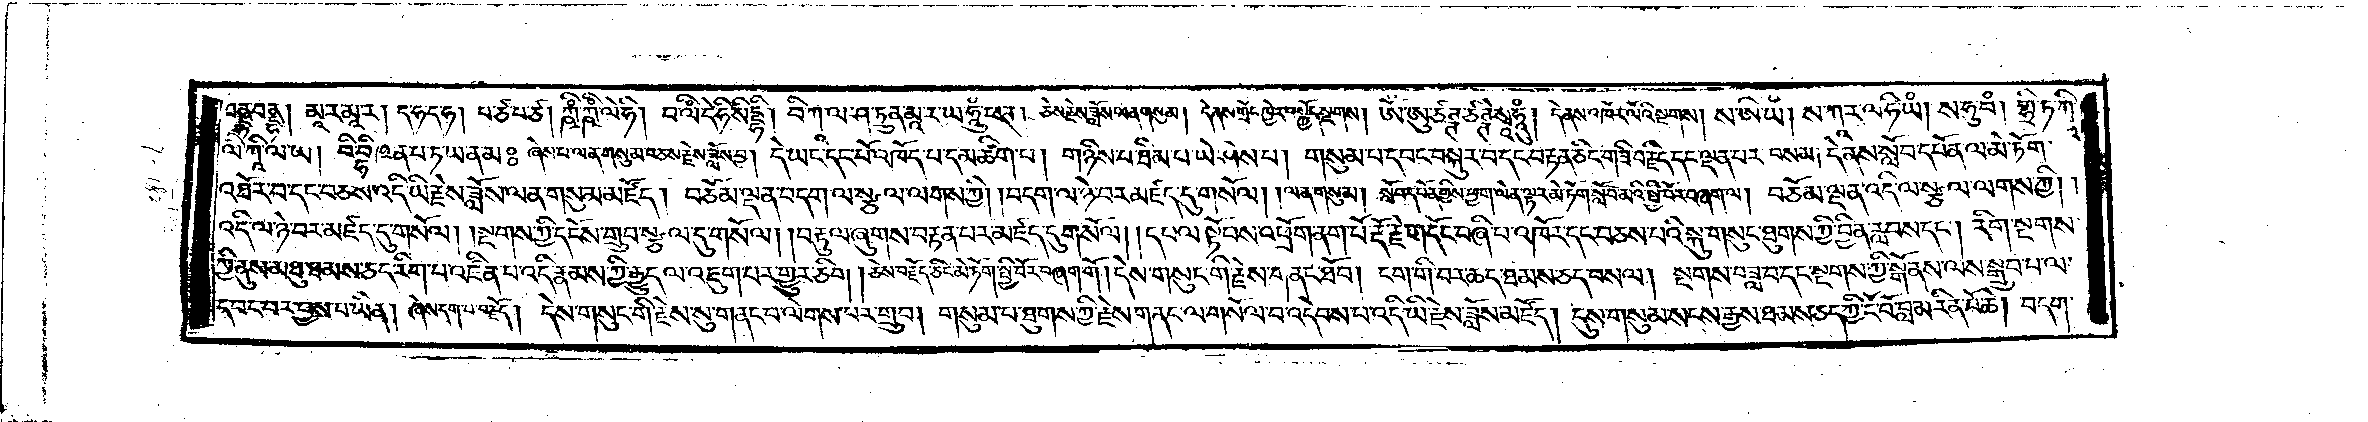བནྡྷ་བནྡྷ། མཱ་ར་མཱ་ར། ད་ཧ་ད་ཧ། བ་ཙ་པ་ཙ། ཀྵིཾ་ཀྵིཾ་ལེ་ཧི། བ་ལིཾ་དེ་ཧི་སིདྡྷི། པི་ཀཱ་ལ་ཤ་ཏྲུན་མཱ་ར་ཡ་ཧཱུཾ་ཕཊ། ཅེས་རྗེས་བློས་ལན་གསུམ། དེ་ནས་གྲོང་ཁྱེར་བསྐྱོད་སྔགས།  ཨོཾ་ཨུ་ཙཊྚ་ཙཊྚི་སྭཱཧཱུཾ། དེ་ནས་འཁོར་ལོའི་སྔགས།  ས་ཨི་ཡཾ། ས་ཀཱ་ར་ལ་ཧ་ཡཾ། ས་ཧུ་བཾ། གྷྲིཾ་ཏ་ཀཱི་
ལི་ཀཱི་ལ་ཡ། བི་བྷི་ཥ་ན་པ་ཏ་ཡན་མཿཞེས་པ་ལན་གསུམ་བཅས་རྗེས་ཟློས་བྱ།  དེ་ཡང་དང་པོ་འཁོད་པ་དམ་ཚིག་པ། གཉིས་པ་ཐིམ་པ་ཡེ་ཤེས་པ། གསུམ་པ་དབང་བསྐུར་བ་དང་བརྟན་ཅིང་གཟི་བརྗིད་དང་ལྡན་པར་བསམ།  དེ་ནས་སློབ་དཔོན་ལ་མེ་ཏོག་
འཐོར་བ་དང་བཅས་འདི་ཡི་རྗེས་ཟློས་ལན་གསུམ་མཛོད། བཅོམ་ལྡན་བདག་ལ་སྩལ་ལགས་ཀྱི། །བདག་ལ་ཉེ་བར་མཛད་དུ་གསོལ། །ལན་གསུམ། སློབ་དཔོན་གྱིས་ཕྱག་ལེན་ལྟར་མེ་ཏོག་སློབ་མའི་སྤྱི་བོར་བཞག་ལ།  བཅོམ་ལྡན་འདི་ལ་སྩལ་ལགས་ཀྱི། །
འདི་ལ་ཉེ་བར་མཛད་དུ་གསོལ། །སྔགས་ཀྱི་དངོས་གྲུབ་སྩལ་དུ་གསོལ། །བརྟུལ་ཞུགས་བརྟན་པར་མཛད་དུ་གསོལ། །དཔལ་སྟོབས་འཕྲོག་ནག་པོ་རྡོ་རྗེ་གདོང་བཞི་པ་འཁོར་དང་བཅས་པའི་སྐུ་གསུང་ཐུགས་ཀྱི་བྱིན་རླབས་དང་། རིག་སྔགས་
ཀྱི་ནུས་མཐུ་ཐམས་ཅད་རིག་པ་འཛིན་པ་འདི་རྣམས་ཀྱི་རྒྱུད་ལ་འཇུག་པར་གྱུར་ཅིག་།ཅེས་བརྗོད་ཅིང་མེ་ཏོག་སྤྱི་བོར་བཞག་གོ་།དེས་གསུང་གི་རྗེས་གནང་ཐོབ། ངག་གི་བར་ཆད་ཐམས་ཅད་བསལ། སྔགས་བཟླ་བ་དང་སྔགས་ཀྱི་སྒོ་ནས་ལས་སྒྲུབ་པ་ལ་
དབང་བར་བྱས་པ་ཡིན། ཞེས་དག་པ་བརྗོད།  དེས་གསུང་གི་རྗེས་སུ་གནང་བ་ལེགས་པར་གྲུབ། གསུམ་པ་ཐུགས་ཀྱི་རྗེས་གནང་ལ་གསོལ་བ་འདེབས་པ་འདི་ཡི་རྗེས་ཟློས་མཛོད། དུས་གསུམ་སངས་རྒྱས་ཐམས་ཅད་ཀྱི་ངོ་བོ་བླ་མ་རིན་པོ་ཆེ། བདག་